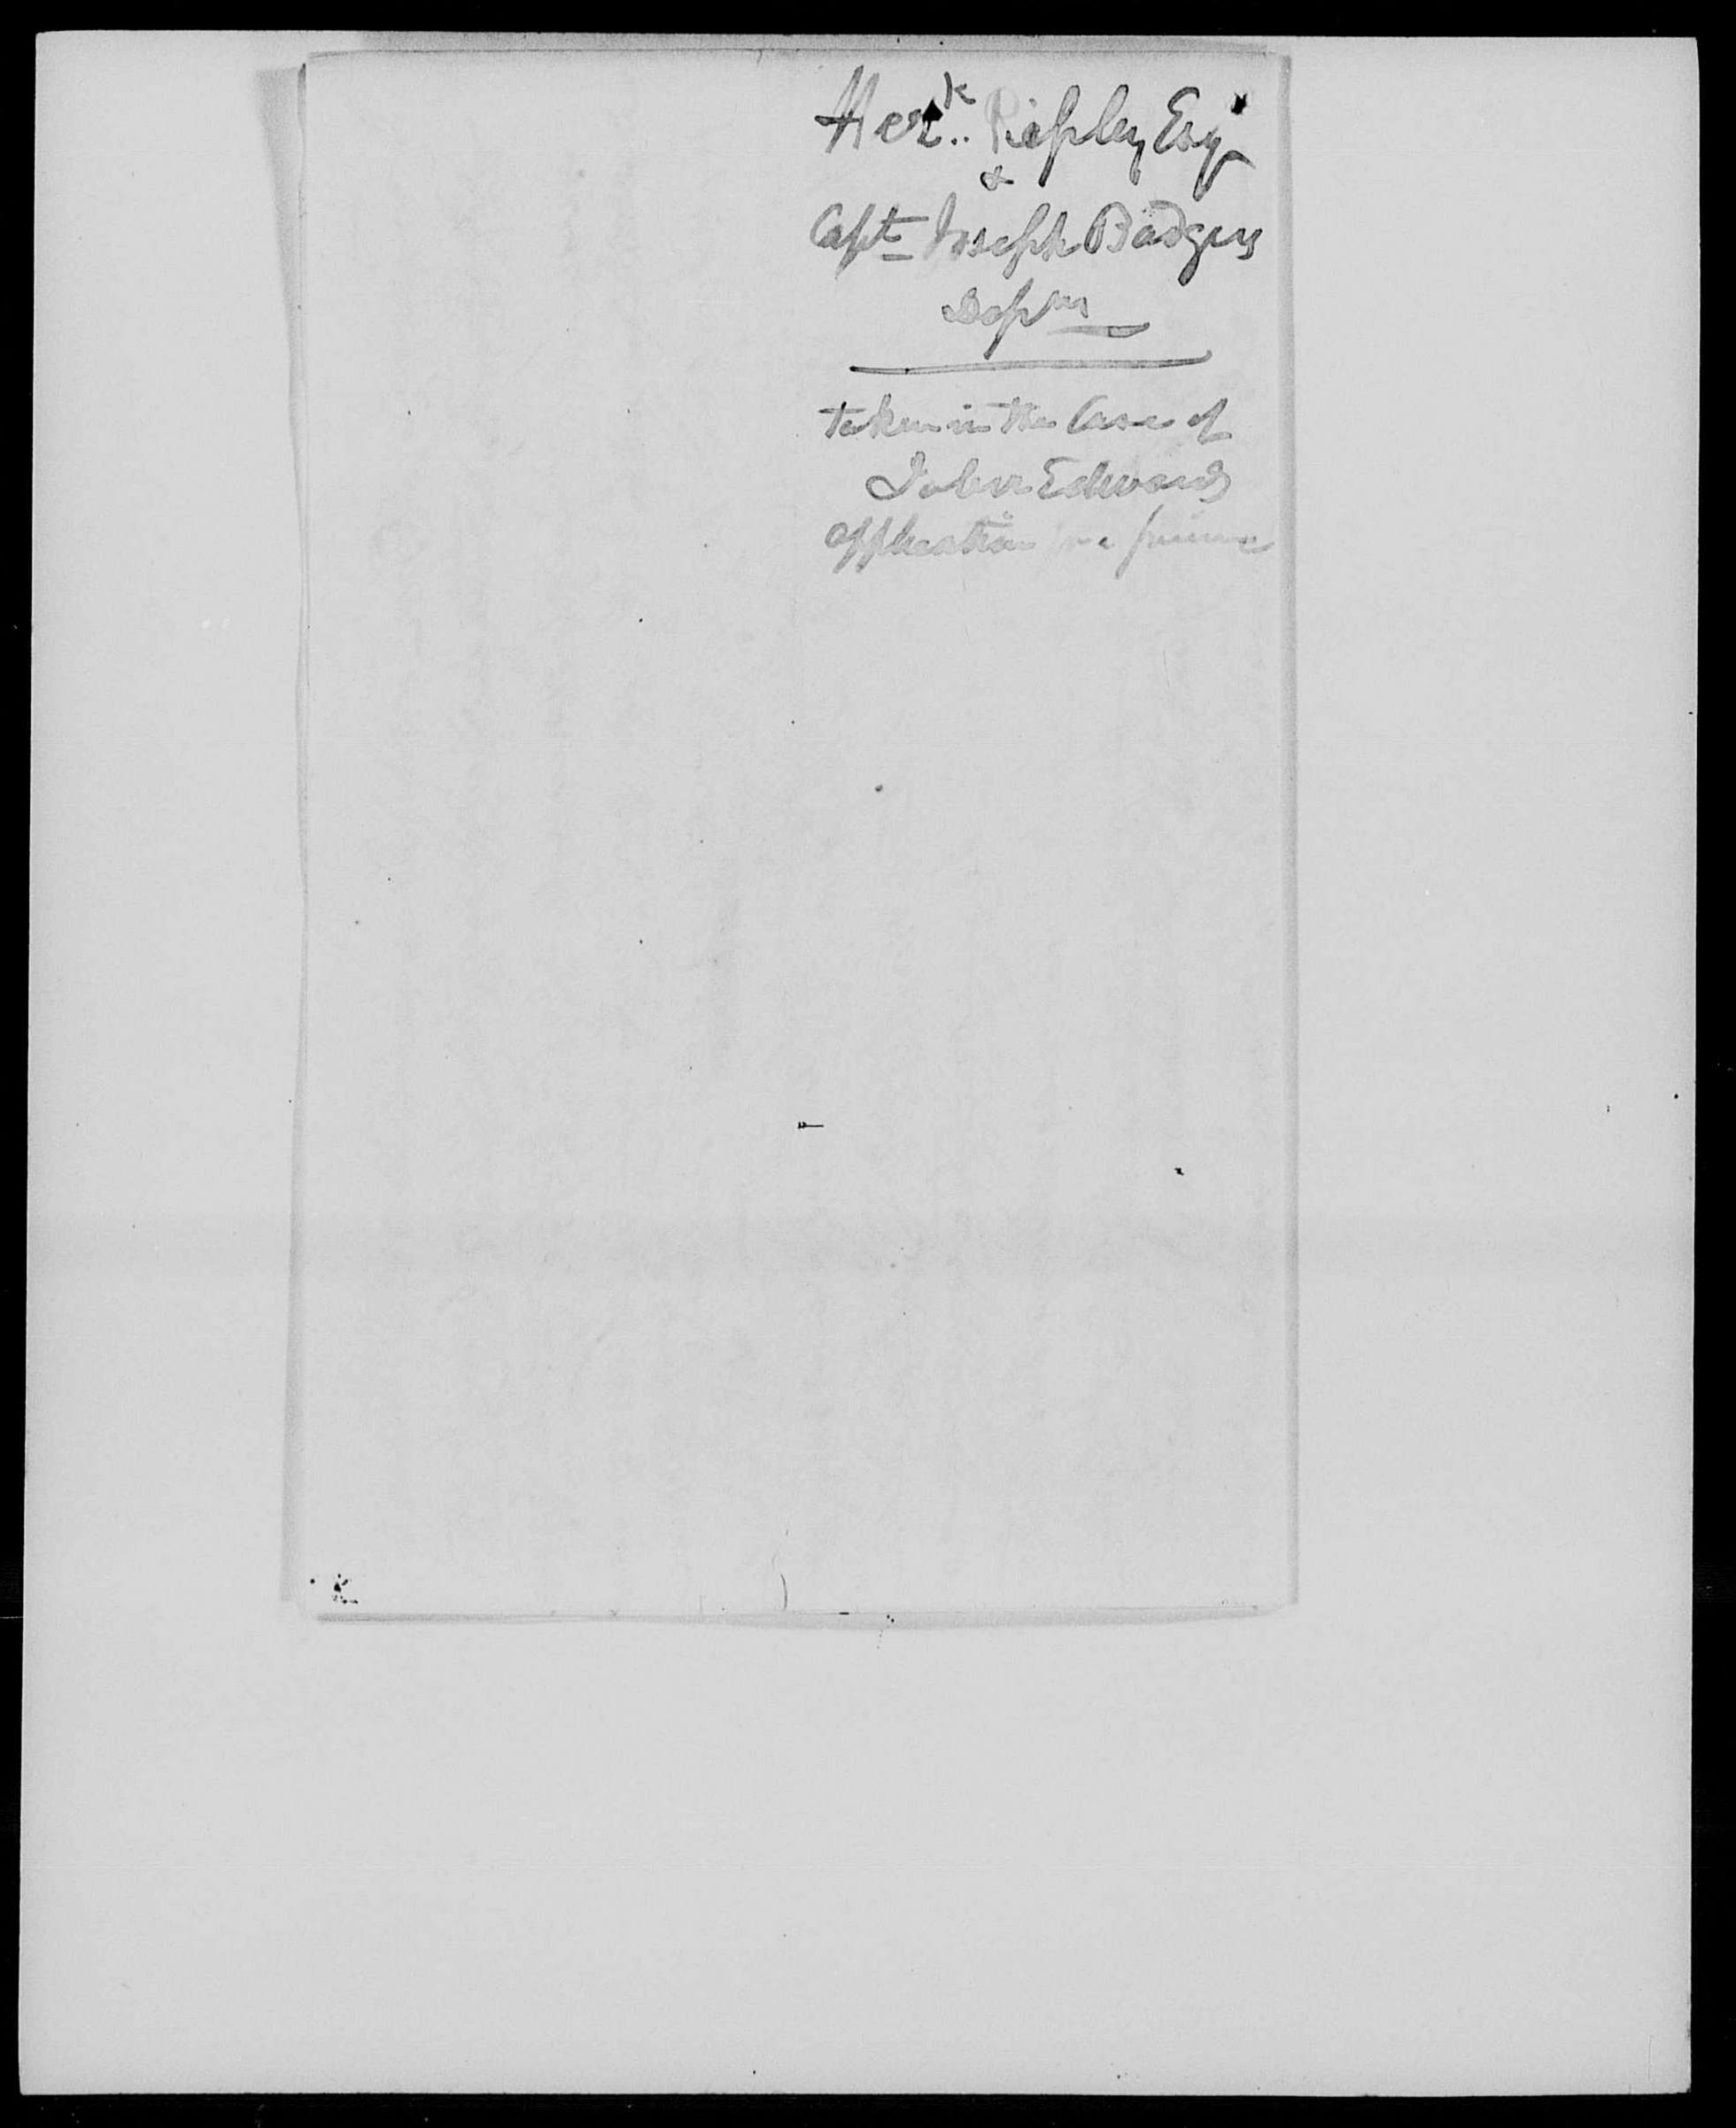Hezekiah Ripley Esq
&
Capt. Joseph Badgers
[illegible]
Taken in the case of Jabez Edwards
Application for pension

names: Jabez Edwards, Joseph Badgers, Hezk Ripley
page: 42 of 50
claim: survivor's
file: S 10607, Jabez Edwards, Conn.